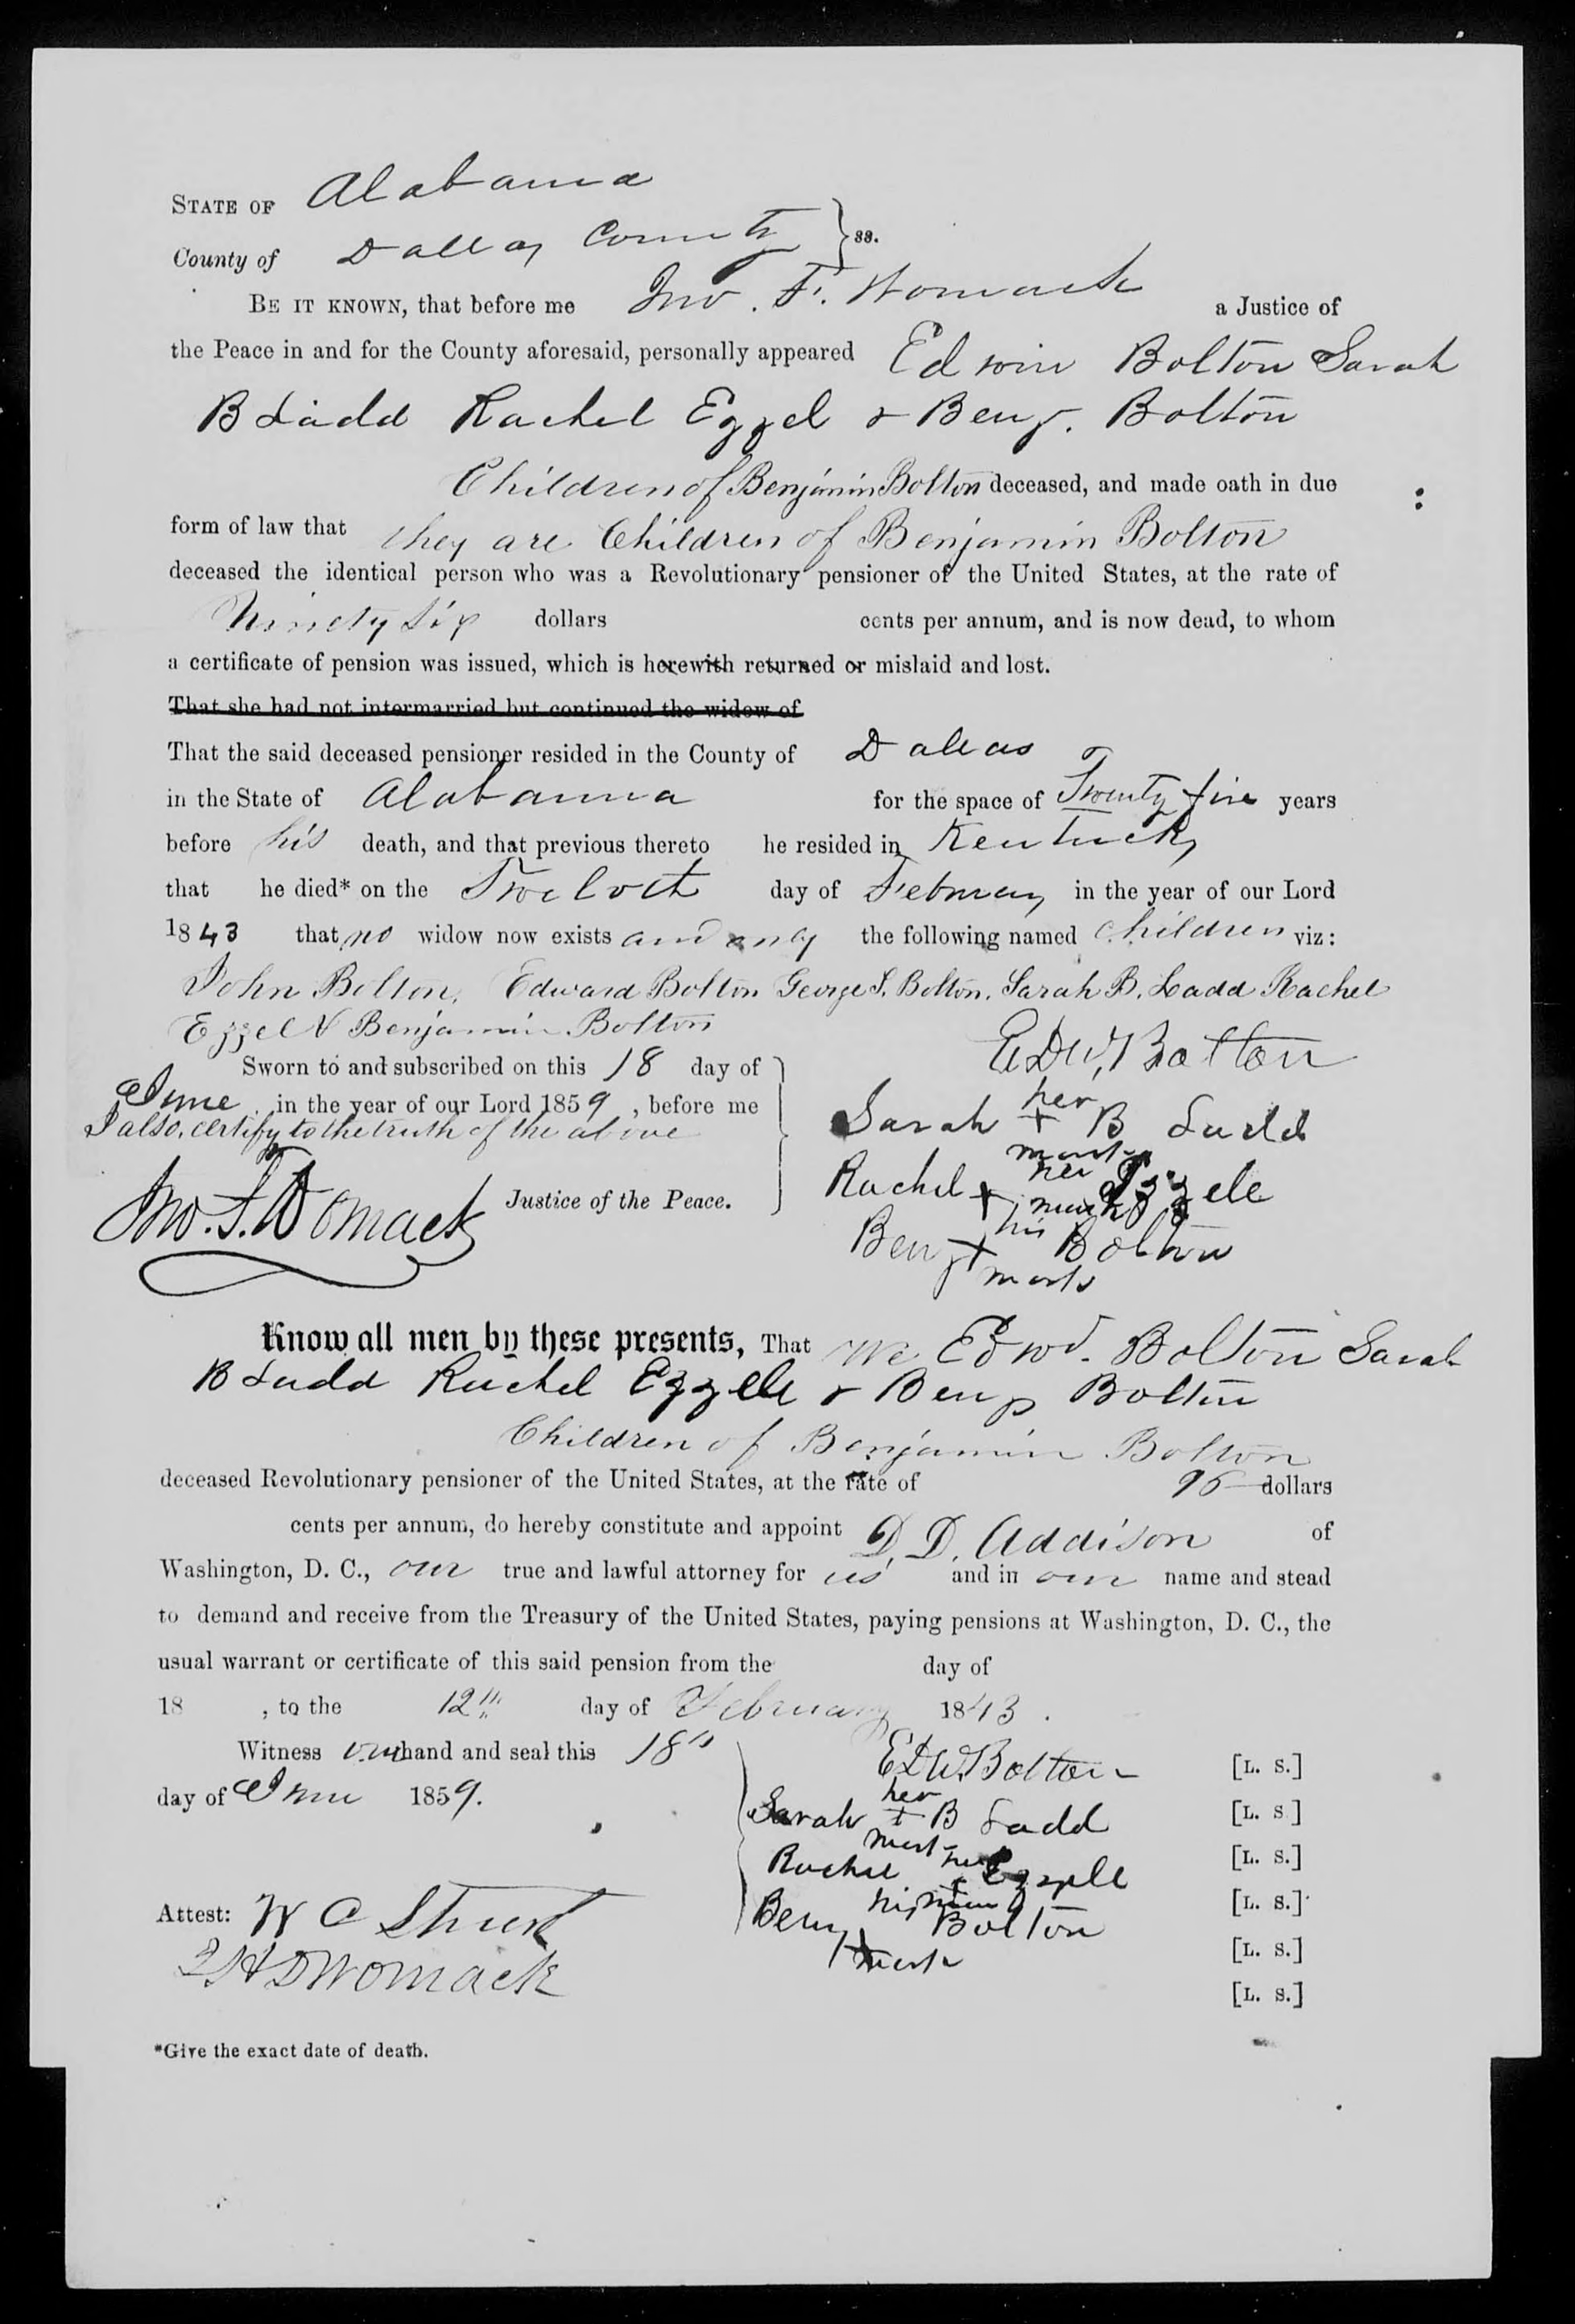State of Alabama
County of Dallas

Be it known, that before me Jno F. Womack a Justice of the Peace in and for the County aforesaid, personally appeard Edwin Bolton, Sarah B. Ladd, Rachel Ezzel & Benjamin Bolton children of Benjamin Bolton deceased, and made oath in due form of law that they are the children of Benjamin Bolton deceased the identical person who was a Revolutionary pensioner of the United States, at the rate of ninety six dollar - cents per annum, and is now dead, to whom a certificate of pension was issued, which is herewith returned or mislaid and lost.

That the said deceased pensioner resided in the County of Dallas in the State of Alabama for the space of twenty five years before his death, and that previous thereto he resided in Kentucky, that he died on the twelfth day of February in the year of our Lord 1843 that no widow now exists and only the following name children viz: John Bolton, Edward Bolton, George S. Bolton, Sarah B. Ladd, Rachel Ezzel & Benjamin Bolton

Sworn to and subscribed on this 18 day of June in the year of our Lord 1859 before me I also certify to the truth of the above

Jno. S. Womack Just of the Peace

Know all men by these presents, that we Edward Bolton, Sarah B. Ladd, Rachel Ezzelle & Benjamin Bolton children of Benjamin Bolton deceased Revolutionary pensioner of the United States at the rate of 96 dollars cents per annum, do hereby constitute and appoint D. D. Addison of Washington D. C. our true and lawful attorney for us and in our name and stead to demand and receive from the Treasury of the United State, paying pensions at Washington, D.C. the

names: Sarah B Ladd, George S Bolton, Benjamin Bolton, Edward Bolton, Sarah B Ladd, Edw Bolton, Sarah B Ladd, Edwd Bolton, Rachel Ezzel, J H D Womack, Sarah B Ladd, Rachel Ezzele, Rachel Ezzel, Benjr Bolton, W C Stuert, Jno F Womack, Edw Bolton, Jno F Womack, D D Addison, Benj Bolton, Benjimin Bolton, Rachel Ezzele, John Bolton, Beny Bolton, Sarah B Ladd, Benj Bolton, Edwin Bolton, Benjamin Bolton, Benjamin Bolton, Rachel Ezzell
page: 17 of 29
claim: survivor's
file: S. 37,795, Benjamin Bolton, N.C.